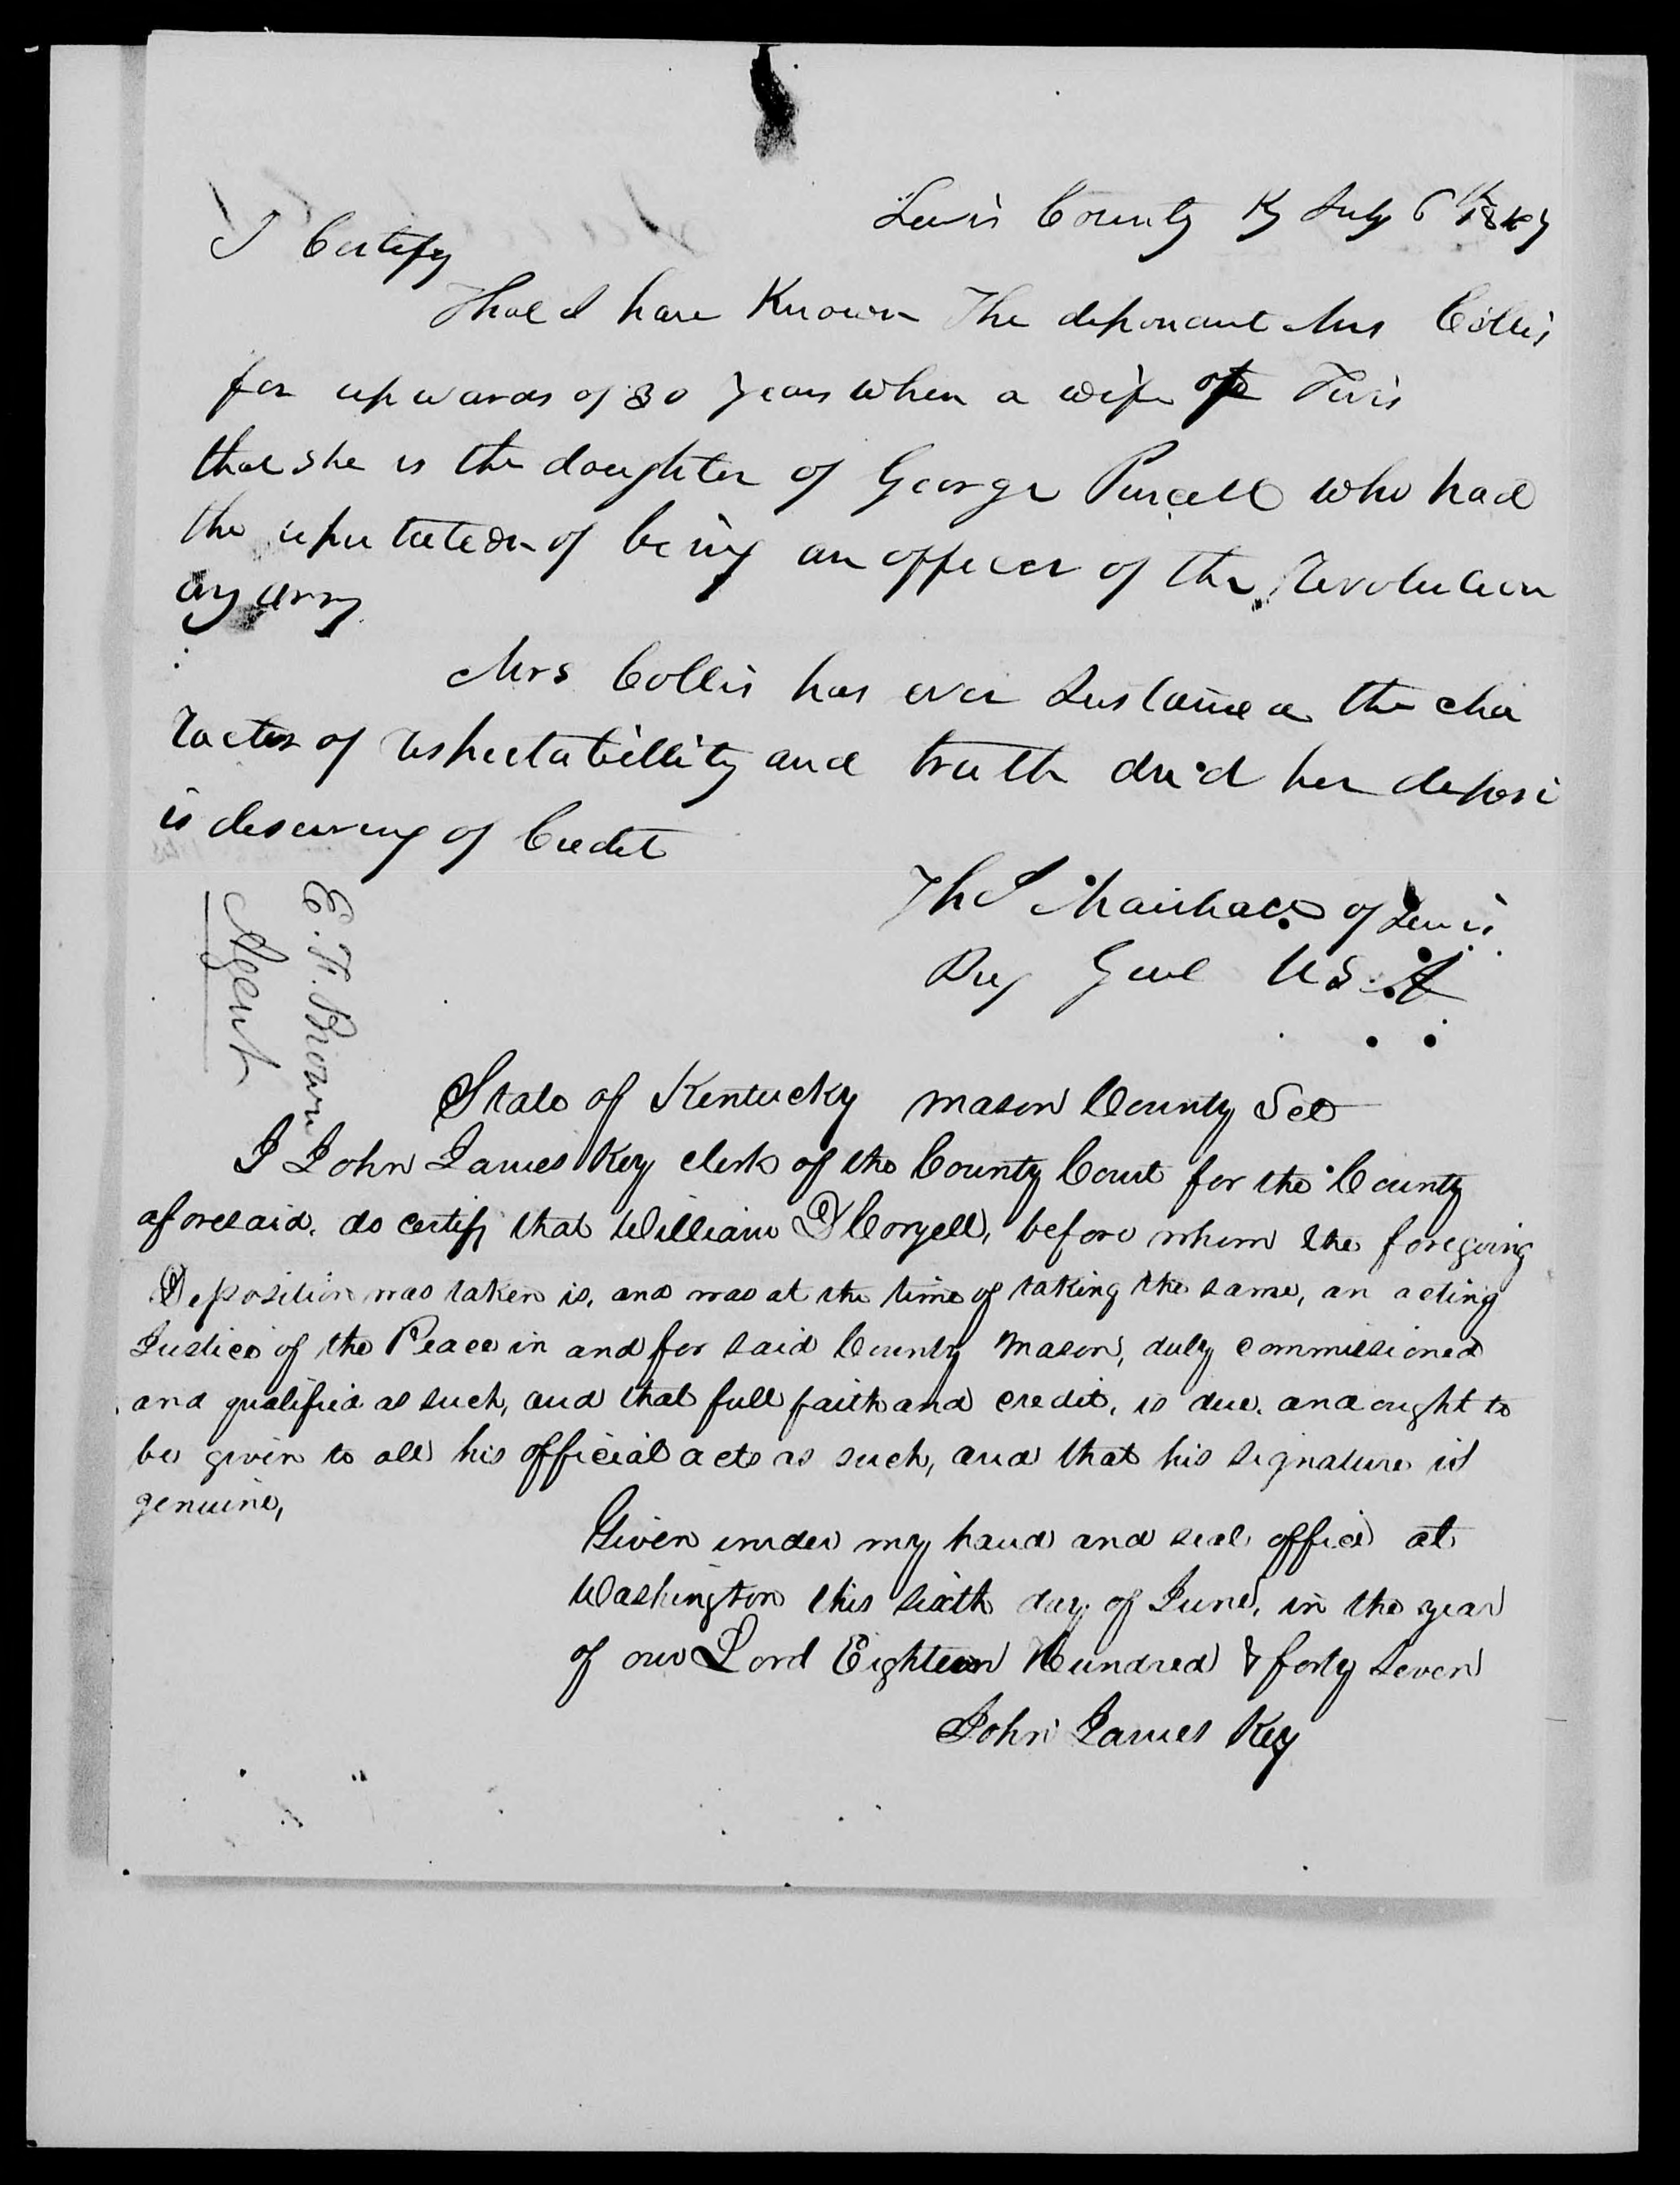Lewis County Ky July 6th 1847
I Certify
That I have Known The deponent Mrs. Collis
for upwards of 30 years when a wife of Tuvis that she is the daughter of George Purcell who had the reputation of being an officer of the Revolutionary Army.
Mrs. Collis has ever Sustained the character of respectability and truth and her deposition is deserving of Credit.
Ths Marshall of Lewis
Duy Genl USA

E. F. Brown
Agent

State of Kentucky Mason County Sct
I John James Key Clerk of the County Court for the County aforesaid, do certify that William D Coryell, before whom the foregoing Deposition was taken is, and was at the time of taking the same, an acting Justice of the Peace in and for said County Mason, duly commissioned and qualified as such, and that full faith and credit, is due and ought to be given to all his official acts as such, and that his signature is genuine,
Given under my hand and seal office at
Washington this sixth day of June, in the year
of our Lord Eighteen Hundred & forty Seven
John James Key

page: 13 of 86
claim: widow's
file: W. 6661, for George Purcell, Virginia